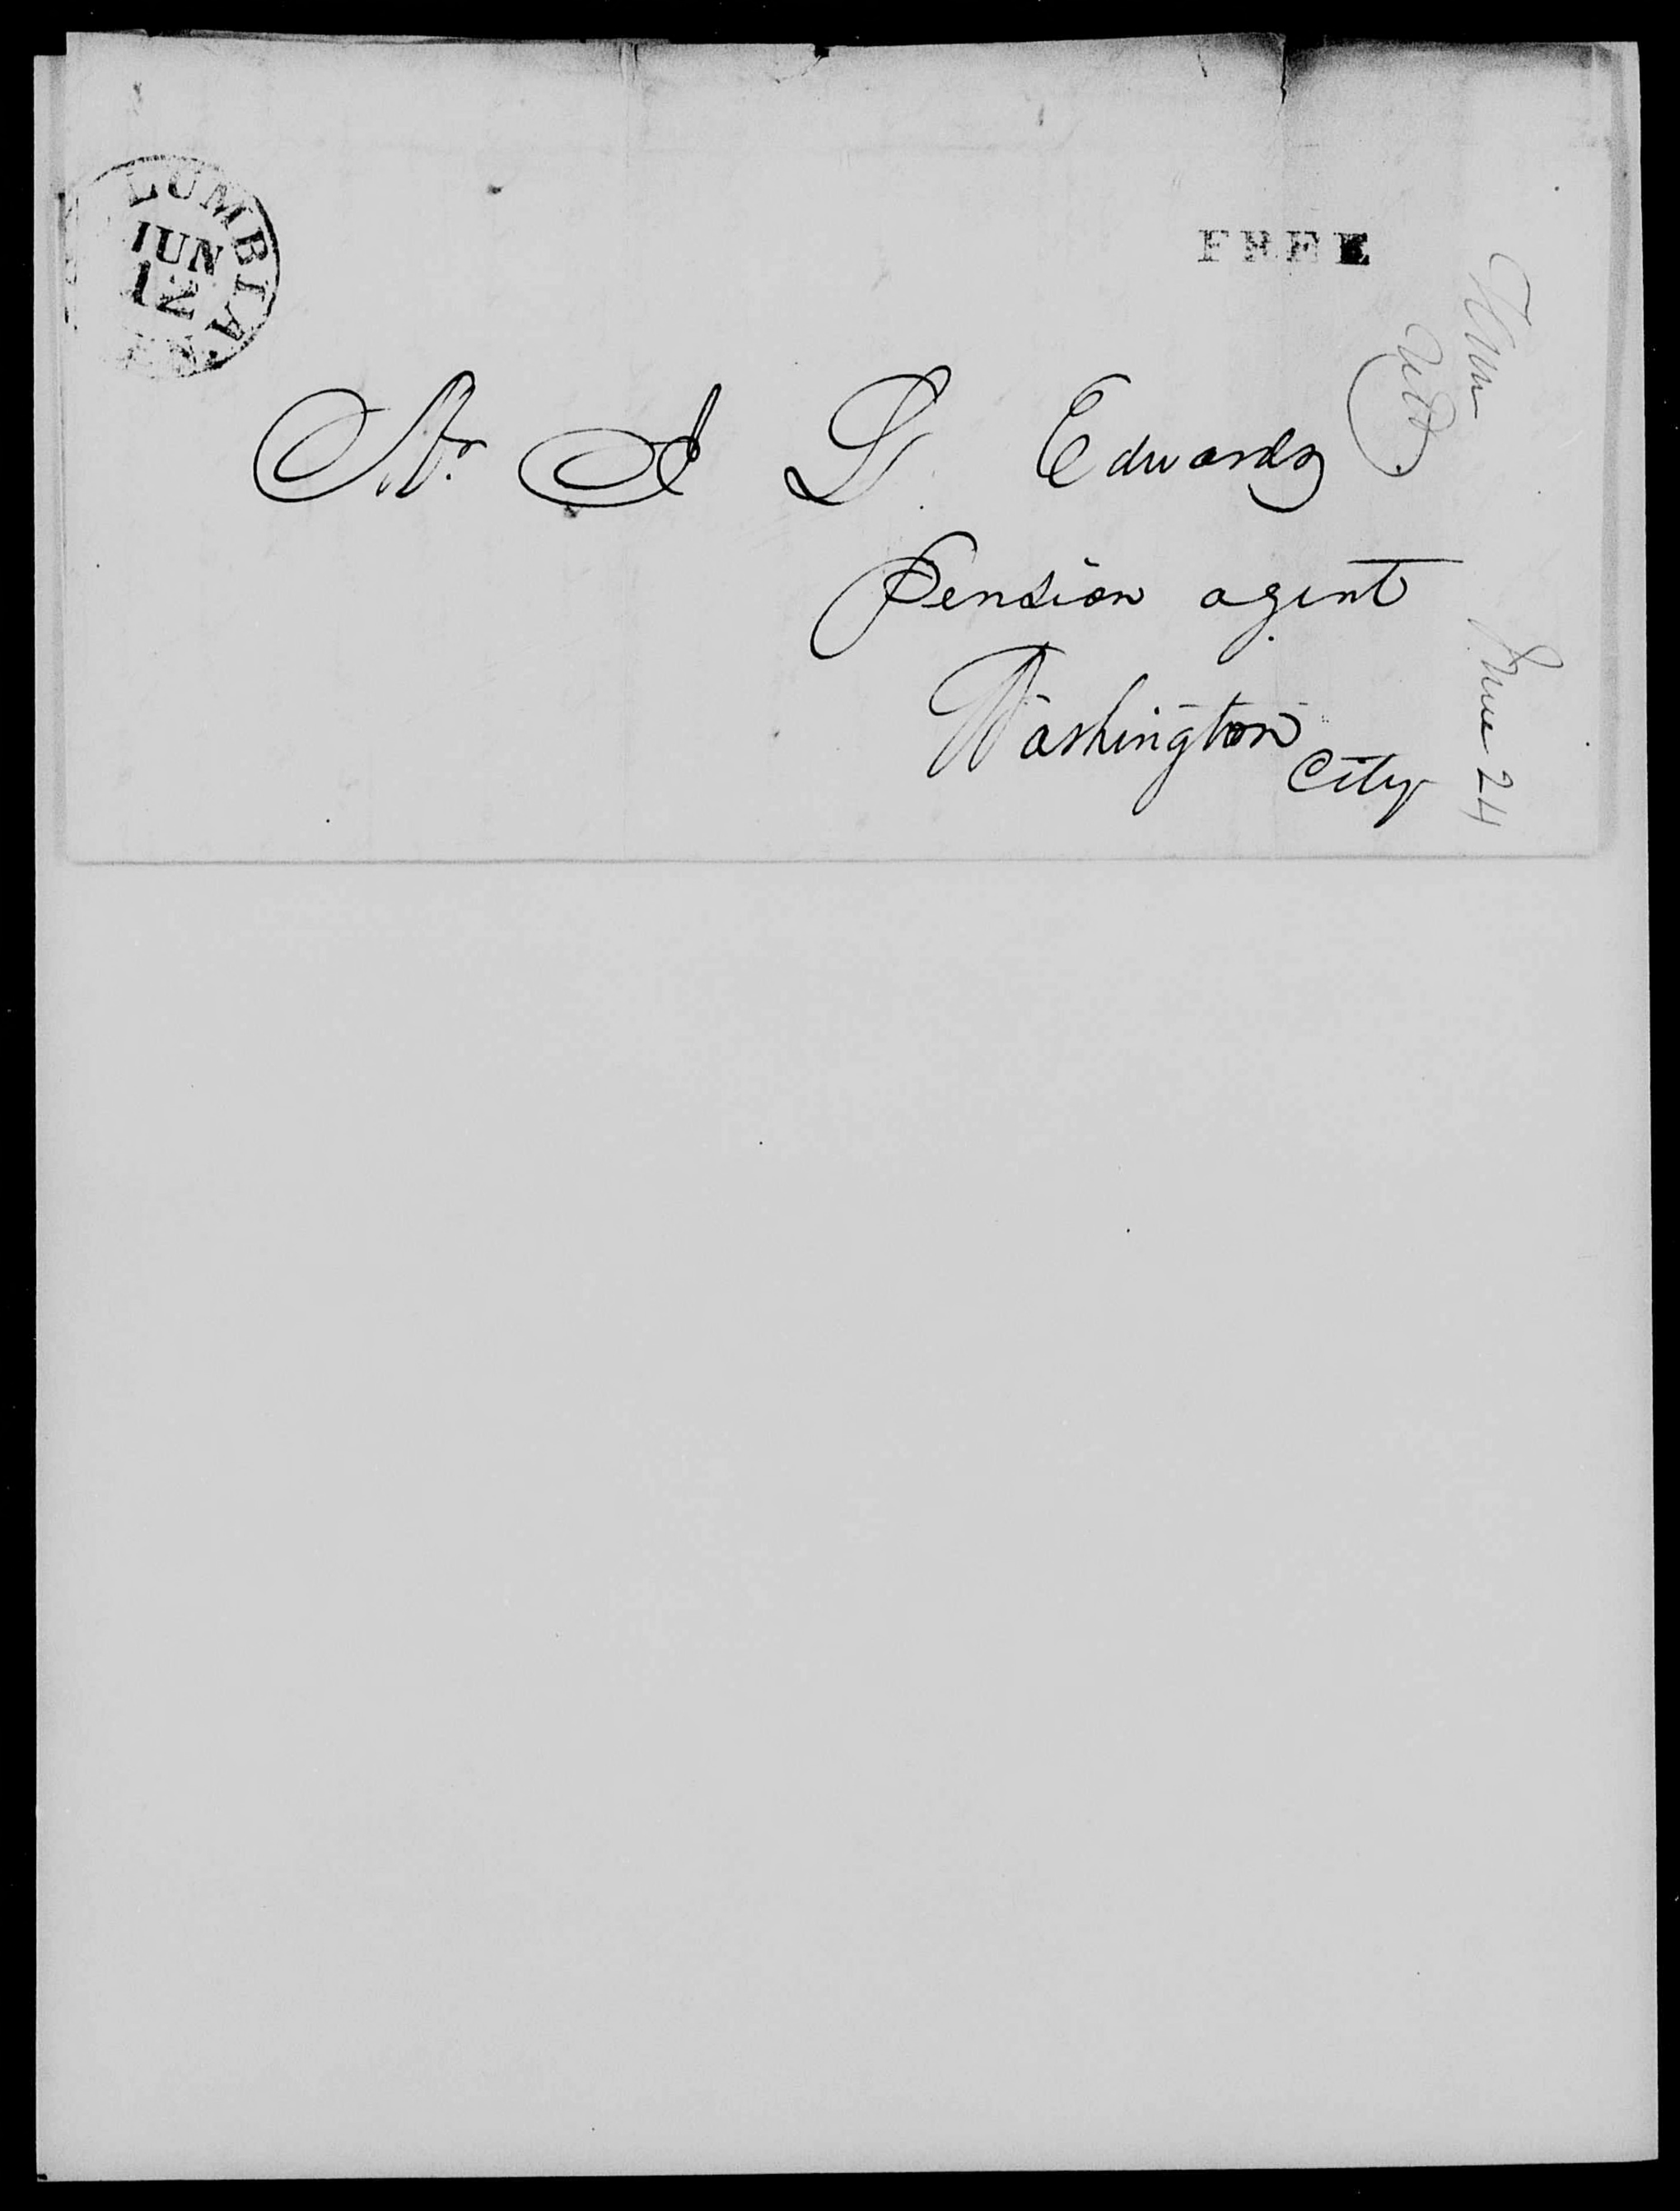(stamp)
COLUMBIA TEN
JUNE 12

FREE

Mr. J.L. Edwards
Pension agent
Washington City 

June 24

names: J L Edwards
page: 15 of 16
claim: survivor's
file: S 4506, for William Lawhorn, North Carolina